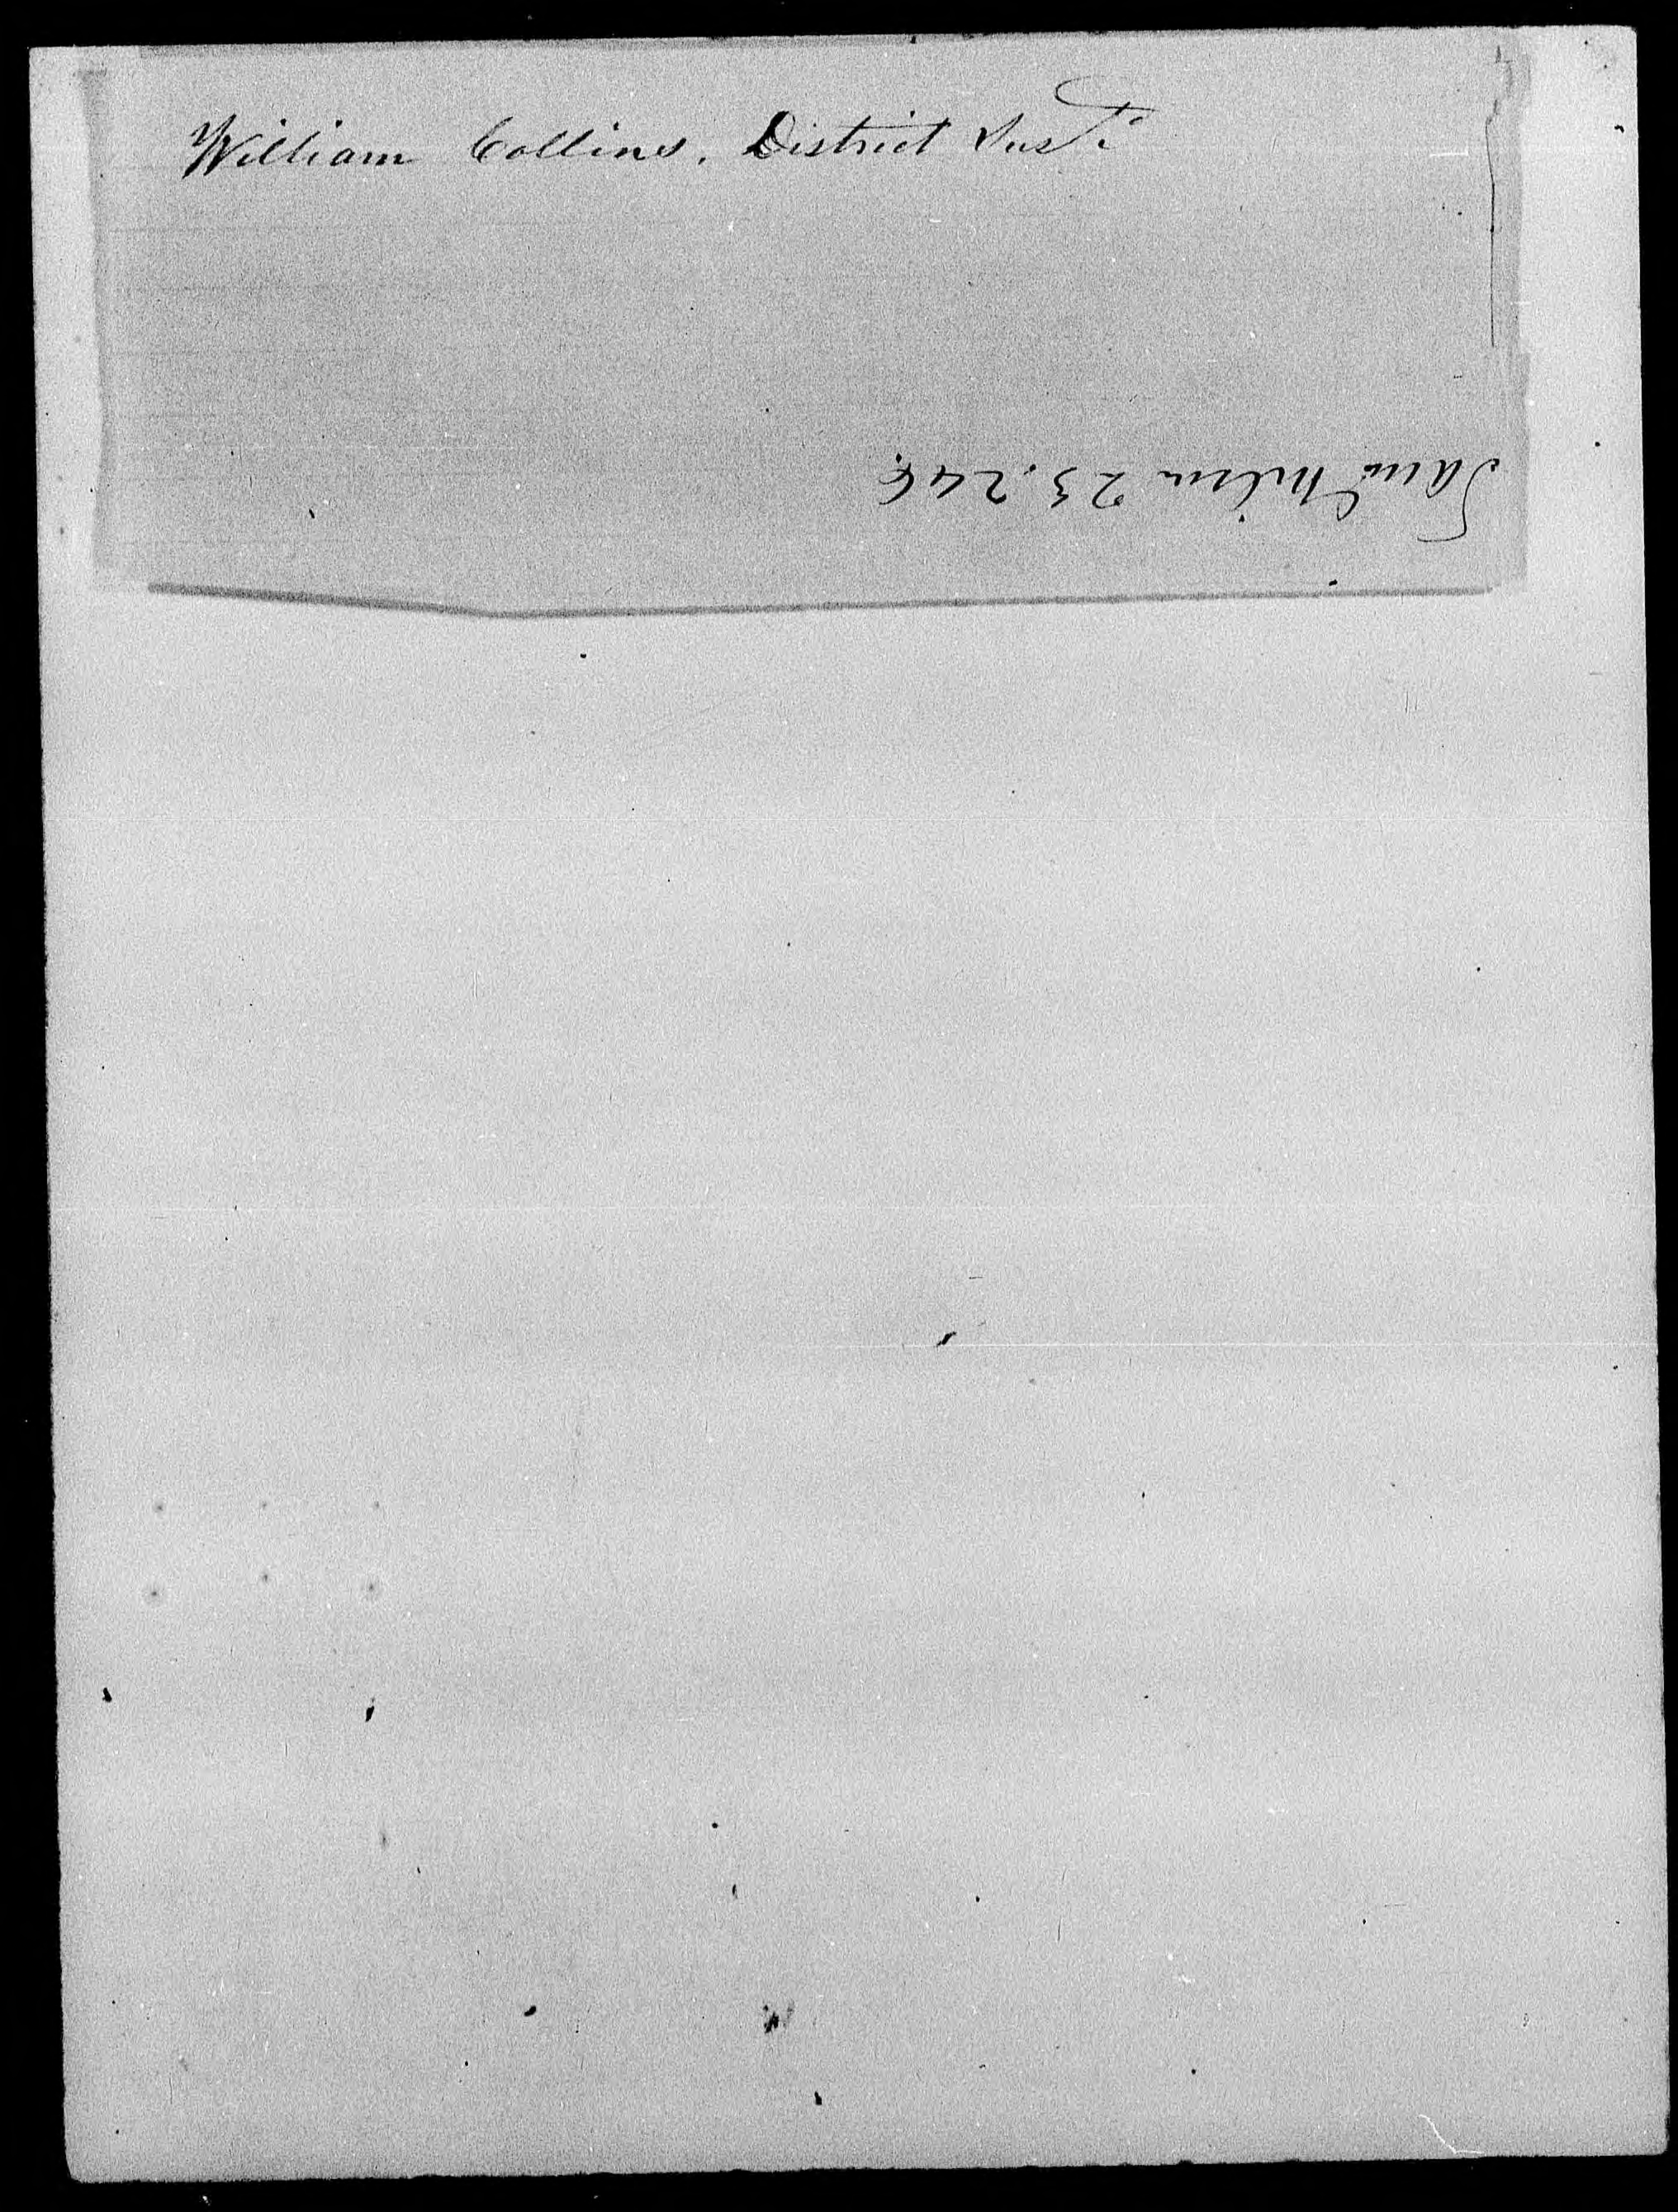William Collins, District Just.

Sam'l Wilson 23,246.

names: William Collins, Saml Wilson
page: 36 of 55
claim: survivor's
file: S. 6,937, Joseph Graham, N.C.